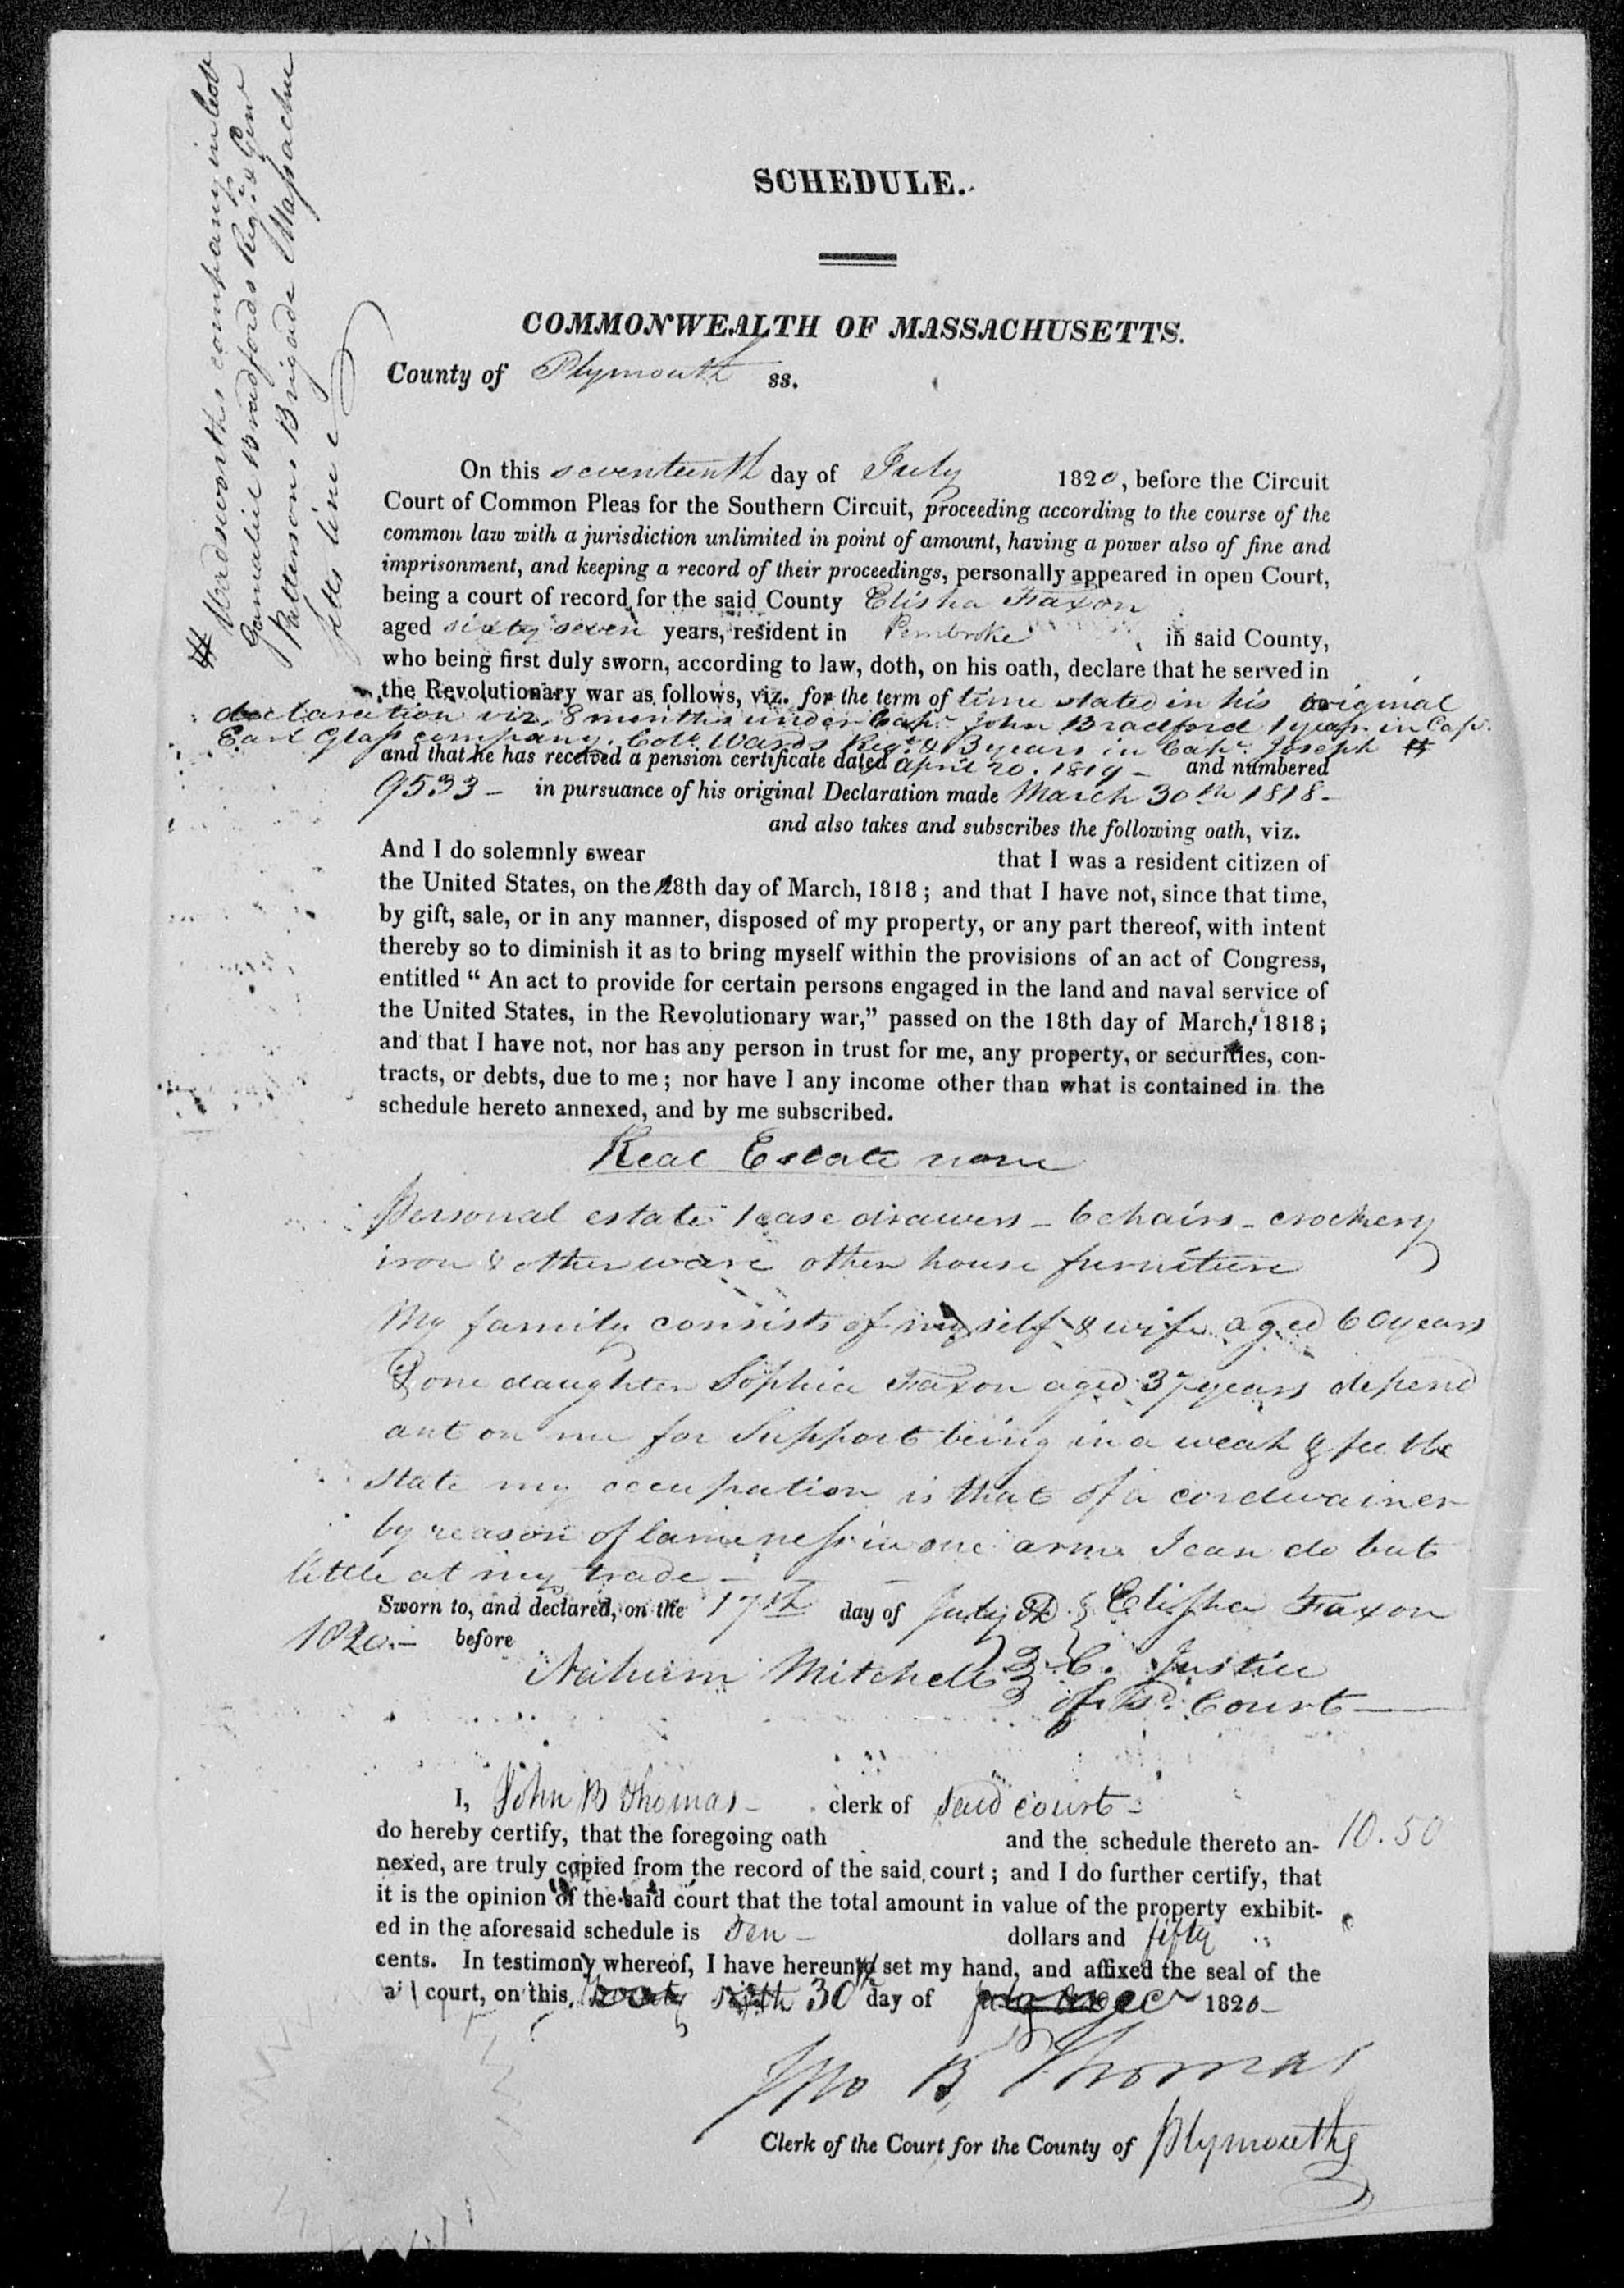Commonwealth of Massachusetts
County of Plymouth
On this seventeenth day of July 1820, before the Circuit Court of Common Pleas for the Southern Circuit, proceeding according to the course of the common law with a jurisdiction unlimited in point of amount, having a power also of fine and imprisonment, and keeping a record of their proceedings, personally appeared in open Court, being a court of record for the said County Elisha Faxon aged sixty seven years, resident in Pembroke in said County who being first duly sworn according to law doth on his oath declare that he served in the Revolutionary war as follows, viz. for the term of time stated in his original (illegible) was 8 months under Capt. John Bradford, one year in Capt. Earl Clap company, Col. Ward's Regiment. 3 years in Capt. Joseph and that he has received a pension certificate dated April 20, 1819 and nmbered 9533 in pursuance of his original Declaration made March 30th, 1818 and also takes and subscribes the following oath, viz.
And I do solemnly sear tat I was a resident citizen of the United States on the 8th day of March 1818; and that I have not, since that time, by gift, sale, or in any manner, disposed of my property, or any part thereof, with intent thereby so to diminish it as to bring myself within the provisions of an act of Congress entitled "An act to provide for certain persons engaged in the land and naval service of the United States, in the Revolutionary war," passed on the 18th day of March, 1818; and that I have not, nor has any person in trust for me, any property, or securities, contracts, or debts, due to me; nor have I any income other than what is contained in the schedule hereto annexed, and by me subscribed. 
Real Estate (illegible)
Personal estate lease (illegible) - 6 chairs, crockery, earthenware, other house furniture. My family consists of myself and wife, aged 60 years and one daughter Sophia Faxon aged 37 years dependent on me for support being in a weak and feeble state my occupation is that of a cordwainer by reason of lameness in one arm I can do but little at my trade.
Sworn to, and declared, on the 17th day of July AD 1820 before Mitchell, ENahum sq. Justice of Court.
Elisha Faxon
I, John B. Thomas clerk of said court do hereby certify, that the foregoing oath and the schedule thereto annexed are truly copied from the record of the said court; and I do further certify that it is the opinion of the said court that the total amount in value of the property exhibited in the aforesaid schedule is ten dollars and fifty cents in testimony whereof I have hereunto set my hand and affixed the seal of the said court on this 30th day of July 1820
John B. Thomas
Clerk of the Court for the County of Plymouth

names: John B Thomas, Jno B Thomas, John Bradford, Elisha Faxon, Joseph, Sophia Faxon, Nahum Mitchell, Elisha Faxon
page: 6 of 47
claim: widow's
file: W. 14703, Elisha Faxon, Mass